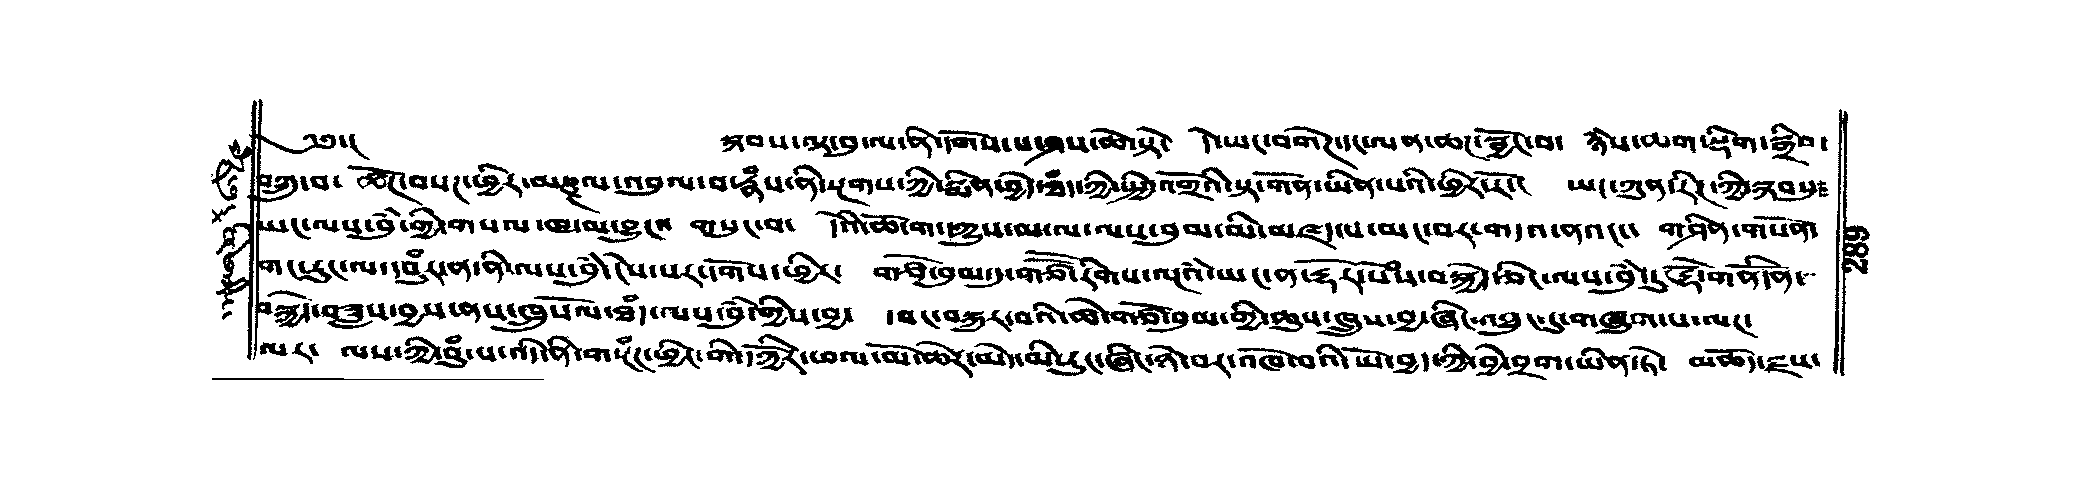སྐབས་ལྟ་བུ་ལ་ནི་དགོས་ཤས་ཆེ་སྟེ་ དེ་ཡང་བགེགས་དང་ལན་ཆགས་སྦྱོང་བ་ ཉོས་ཆག་སྡིག་སྒྲིབ་
བཀུ་བ་ ཚོགས་བསགས་ཕྱིར་བ་འབུལ་བ་རྣམས་ནི་སྔགས་ཀྱི་སྨིན་བྱེད་ཐམས་ཅད་སྤྱི་འགྲོའི་སྟ་གོན་པའི་ཕྱིར་རོ་ ཡང་ཀུན་རིགས་ཀྱི་སྐབས་བསུ
ཡང་ལས་བུ་ལེན་གྱི་གསལ་ཁ་མ་བྱུང་ གསུང་བ་ དེའི་ཆོ་ག་དཀྱུས་མ་ལ་ལས་ཕུམ་མི་མཛད་པ་མང་བར་གདའ་ནའང་ གཤིན་གསོན
གང་རུང་ལ་དབུམ་བར་ན་ནི་ལས་བུ་ལེན་པར་དགོས་ཕྱིར་ གཅོ་བུམ་དུ་གཙོ་རིགས་ལྔའི་ཡང་ན་ཧ་རོ་སེམས་བསྐྱེད་རྩིང་ལས་བུ་ལེན་རྒོ་གནོད་
བསྐྱེད་བཟླས་བྱས་ནས་ཁྲུས་ཐམས་ཅད་ལས་བུ་ལེན་གྱིས་བྱ་ དབང་བསྐུར་བའི་གཙོ་བུམ་གྱི་ཆུས་ཁྲུས་བྱ་ཞིང་འཐུང་དུ་གཞུགས་ལགས་
ལར་ ལས་ཀྱི་བུམ་པ་འདི་ནི་ག་སྔགས་ཕྱིར་གི་དཀྱིལ་ཕལ་མོ་ཆེར་མེད་མི་རུང་ཞིང་ཉེ་བར་འཁོ་བའི་ཡོ་བྱད་བྱེ་བྲག་ཡིན་ཏེ་ མཆོད་རྫས་